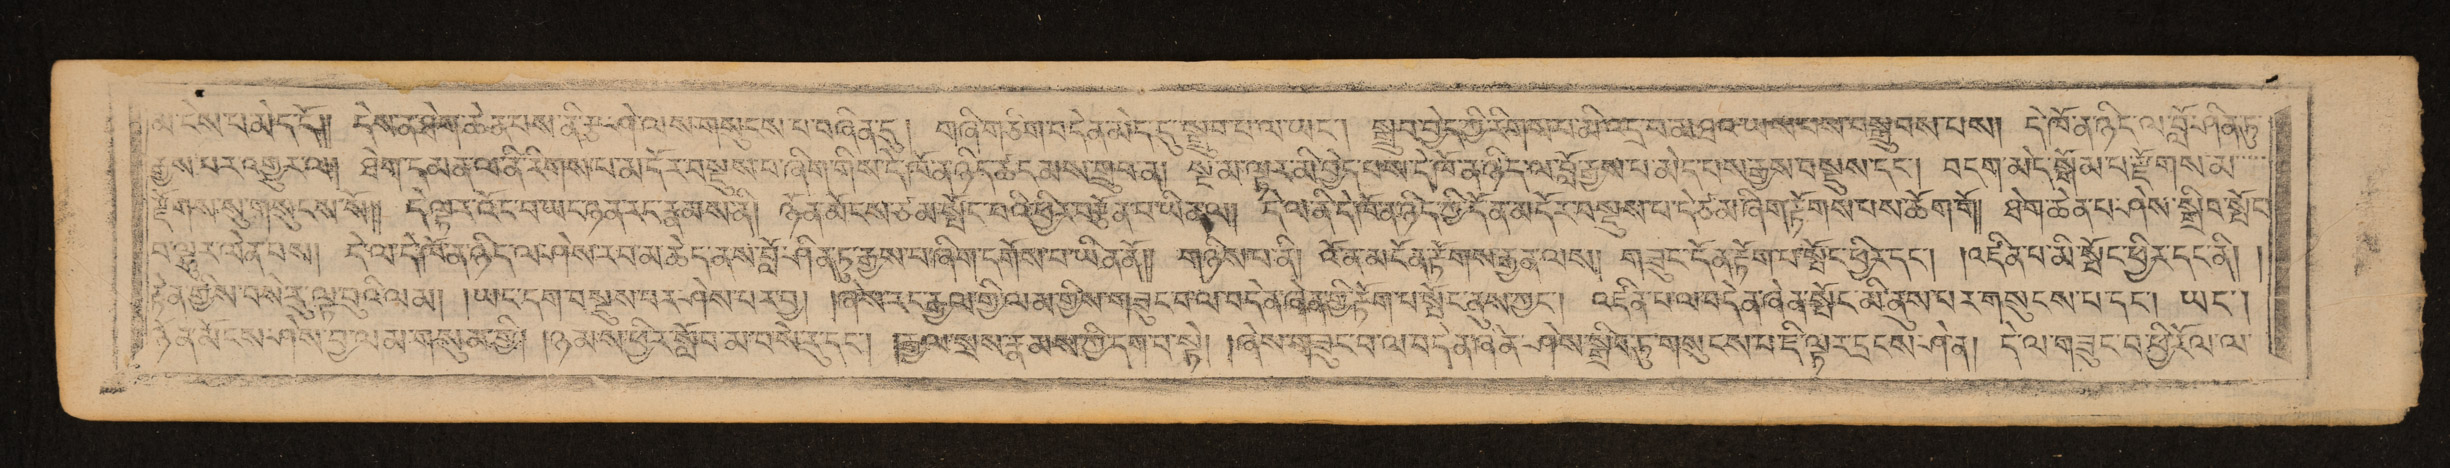མ་ངེས་པ་མེད་དོ།། དེས་ན་ཐེག་ཆེན་པས་ནི་རྩ་ཤེ་ལས་གསུངས་པ་བཞིན་དུ། གཞི་གཅིག་བདེན་མེད་དུ་སྒྲུབ་པ་ལ་ཡང་། སྒྲུབ་བྱེད་ཀྱི་རིགས་པ་མི་འདྲ་བ་མཐའ་ཡས་པས་བསྒྲུབས་པས། དེ་ཁོ་ན་ཉིད་ལ་བློ་ཤིན་ཏུ་
རྒྱས་པར་འགྱུར་ལ། ཐེག་དམན་ལ་ནི་རིགས་པ་མདོར་བསྡུས་པ་ཞིག་གིས་དེ་ཁོ་ན་ཉིད་ཚད་མས་གྲུབ་ན། སྔ་མ་ལྟར་མི་བྱེད་པས་དེ་ཁོ་ན་ཉིད་ལ་བློ་རྒྱས་པ་མེད་པས་རྒྱས་བསྡུས་དང་། བདག་མེད་སྒོམ་པ་རྫོགས་མ་
རྫོགས་སུ་གསུངས་སོ།། དེ་ལྟར་འོང་བ་ཡང་ཉན་རང་རྣམས་ནི། ཉོན་མོངས་ཙམ་སྤོང་བའི་ཕྱིར་བརྩོན་པ་ཡིན་ལ། དེ་ལ་ནི་དེ་ཁོ་ན་ཉིད་ཀྱི་དོན་མདོར་བསྡུས་པ་དེ་ཙམ་ཞིག་རྟོགས་པས་ཆོག་གོ། ཐེག་ཆེན་པ་ཤེས་སྒྲིབ་སྤོང་
བ་ལྷུར་ལེན་པས། དེ་ལ་དེ་ཁོ་ན་ཉིད་ལ་ཤེས་རབ་མཆེད་ནས་བློ་ཤིན་ཏུ་རྒྱས་པ་ཞིག་དགོས་པ་ཡིན་ནོ།། གཉིས་པ་ནི། འོ་ན་མངོན་རྟོགས་རྒྱན་ལས། གཟུང་དོན་རྟོག་པ་སྤོང་ཕྱིར་དང་། །འཛིན་པ་མི་སྤོང་ཕྱིར་དང་ནི།།
རྟེན་གྱིས་བསེ་རུ་ལྟ་བུའི་ལམ། །ཡང་དག་བསྡུས་པར་ཤེས་པར་བྱ། །ཞེས་རང་རྒྱལ་གྱི་ལམ་གྱིས་གཟུང་བ་ལ་བདེན་ཞེན་གྱི་རྟོག་པ་སྤོང་ནུས་ཀྱང་། འཛིན་པ་ལ་བདེན་ཞེན་སྤོང་མི་ནུས་པར་གསུངས་པ་དང་། ཡང་།
ཉོན་མོངས་ཤེས་བྱ་ལམ་གསུམ་གྱི། །ཉམས་ཕྱིར་སློབ་མ་བསེ་རུ་དང་། །རྒྱལ་སྲས་རྣམས་ཀྱི་དག་པ་སྟེ། །ཞེས་གཟུང་བ་ལ་བདེན་ཞེན་ཤེས་སྒྲིབ་ཏུ་གསུངས་པ་ཇི་ལྟར་དྲང་ཞེ་ན། དེ་ལ་གཟུང་བ་ཕྱི་རོལ་ལ་